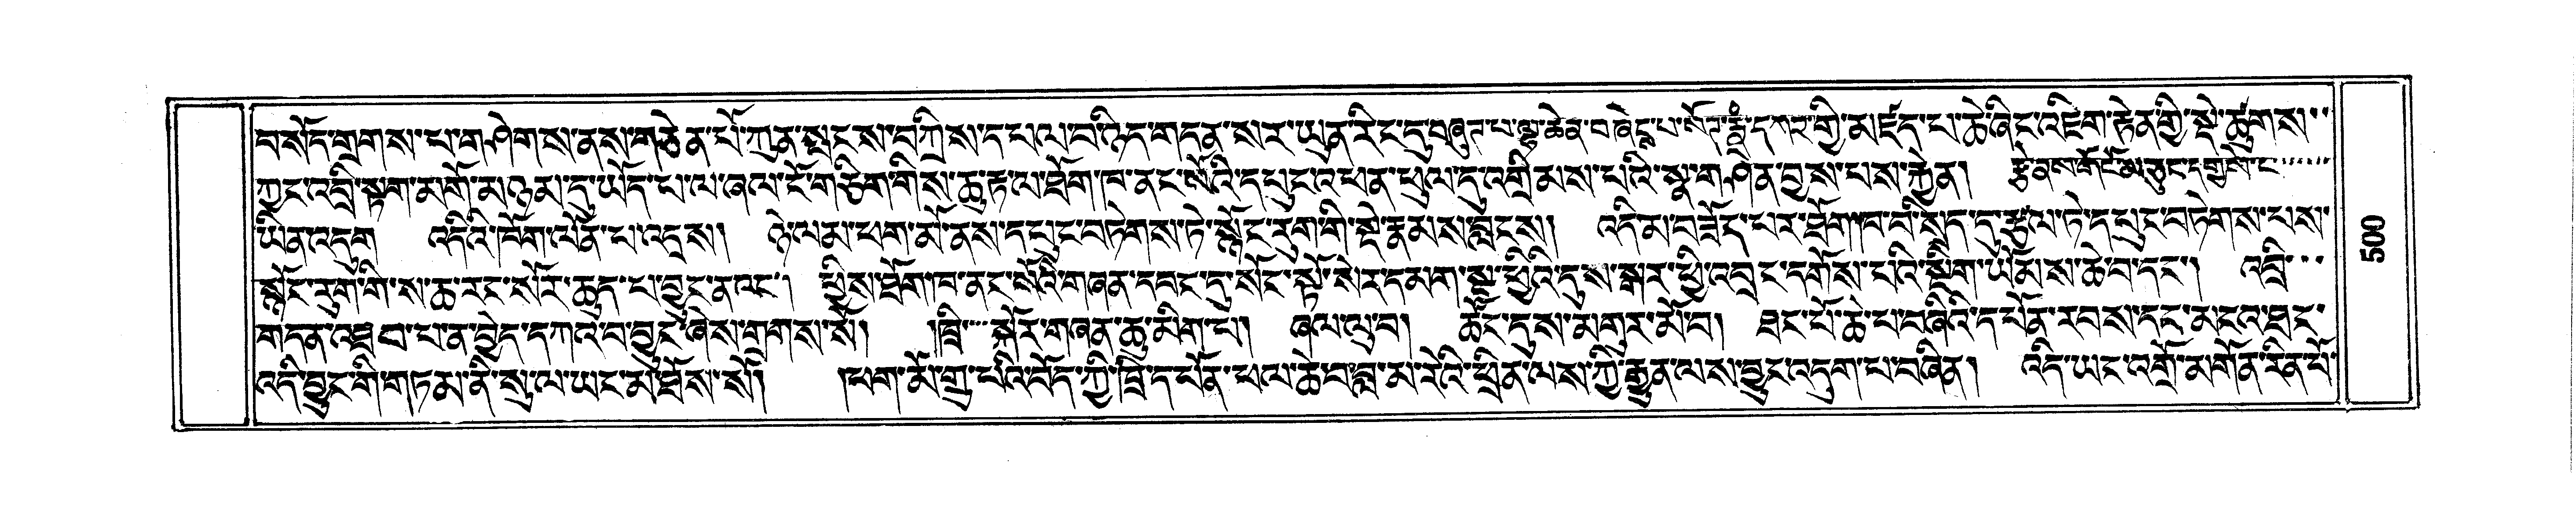བ་སོད་གྲགས་པ་གཤེགས་ནས་གཅེན་པོ་ཀུན་སྤངས་བཀྲིས་དཔལ་བ་ཉིད་གདན་སར་ཡུན་རིང་དུ་བཞུཌ་པ་ལྷ་ཆེན་བཞེངས་པ་སོཌ་རྣཾ་དཀར་གྱི་མཛད་པ་ཆེ་ཞིང་འཇིག་རྟེན་གྱི་སྡེ་ཚུགས་
ཀྱང་འབྲི་སྟག་མགོ་མཉམ་དུ་ཡོད་པ་ལ་ཞལ་ངོ་གཅིག་གིས་ཆུ་རྟ་ལ་ཐོག་ཁ་ནང་སོའི་དཔུང་འཕན་ཕུལ་དུ་འགྲིམས་པའི་སྣ་གཤེན་བྱས་པས་རྐྱེན། རྩེ་ནས་གོ་ངོ་མ་ཅུང་དགྱེས་པ་
ཡིན་འདུག་འདིའི་ཁོག་ལོན་པ་འདྲས། ཉེ་ལམ་ཕག་མོ་ནས་དཔུང་བཏེགས་ཏེ་སྙོང་རུག་གི་སྡེ་རྣམས་བླངས། འདི་མ་བཟོད་པར་ཐོག་ཁ་བ་སྲིད་དུ་རྩལ་ཏེ་དཔུང་བཏེགས་པས་
སྙོང་རུག་གི་ས་ཆ་རང་སོར་ཆུད་པ་བྱུང་ནའང་། ཕྱིས་ཐོག་ཁ་ནང་སོའི་གཞན་དབང་དུ་སོང་སྟོ་སེར་དམག་སྡུ་ཕྱིའི་དུས་སྒར་ཕྱི་འབྲང་དགོས་པའི་སྡིག་ཡོམས་ཆེ་བ་དང་། འབྲི་
གདན་འཐབ་པ་ན་བྱེད་དཀའ་བ་བྱུང་ཞེས་གྲགས་སོ། །ཁྲི་སྐོར་གཞན་ཆུ་མིག་པ། ཞལ་ལུ་བ། ཚོང་དུས་མགུར་མོ་བ། ཐང་པོ་ཆེ་པ་བཞིའི་དཔོན་རབས་དང་མངའ་ཐང་
འདི་བྱུང་གི་གཏམ་ནི་སུ་ལ་ཡང་མ་ཐོས་སོ། །ཕག་མོ་གྲུ་པའི་བོད་ཀྱི་ཁྲི་དཔོན་ཕལ་ཆེ་བ་བླ་མ་རེའི་ཕྲིན་ལས་ཀྱི་རྒྱུན་ལས་བྱུང་འདུག་པ་བཞིན། འདི་ཡང་འགྲོ་མགོན་རིན་པོ་